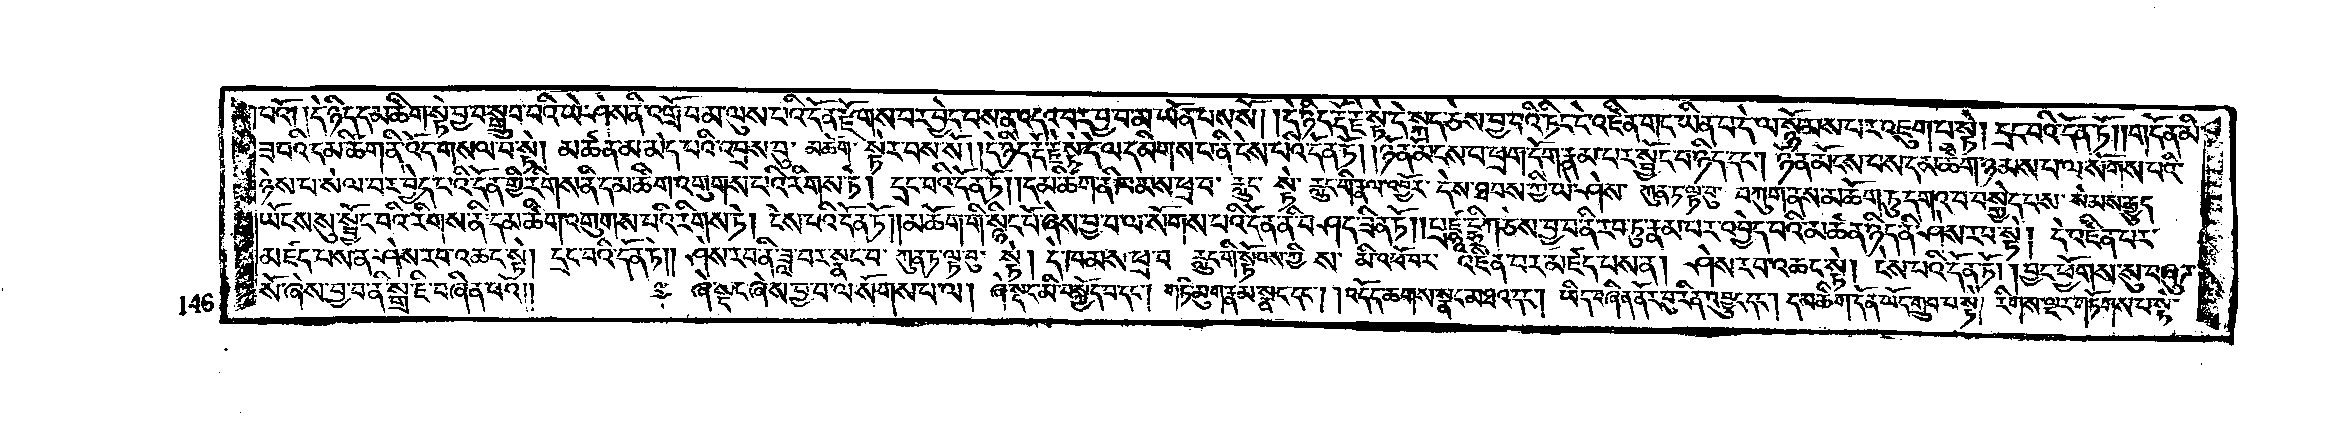པའོ། །དེ་ཉིད་དམ་ཚིག་སྟེ་བྱ་བ་སྒྲུབ་པའི་ཡེ་ཤེས་ནི་འགྲོ་བ་མ་ལུས་པའི་དོན་རྫོགས་པར་བྱེད་པས་ན་འདའ་བར་བྱ་བ་མ་ཡིན་པས་སོ། །དེ་ཉིད་རྡོ་རྗེ་སྟེ་དེ་སྐད་ཅེས་བྱ་བའི་ཏིང་ངེ་འཛིན་གང་ཡིན་པ་དེ་ལ་སྙོམས་པར་འཇུག་པ་སྟེ། དྲང་བའི་དོན་ཏོ། །གདོན་མི་
ཟ་བའི་དམ་ཚིག་ནི་འོད་གསལ་བ་སྟེ། མཚན་མ་མེད་པའི་འབྲས་བུ་མཆོག་སྟེར་བས་སོ། །དེ་ཉིད་རྡོ་རྗེ་སྟེ་དེ་ལ་དམིགས་པ་ནི་ངེས་པའི་དོན་ཏོ། །ཉོན་མོངས་པ་ཕྲག་དོག་རྣམ་པར་སྦྱོང་བ་ཉིད་དང་། ཉོན་མོངས་པས་དམ་ཚིག་ཉམས་པ་ལ་སོགས་པའི་
ཉེས་པ་སེལ་བར་བྱེད་པའི་དོན་གྱི་རིགས་ནི་དམ་ཚིག་འགུགས་པའི་རིགས་ཏེ། དྲང་བའི་དོན་ཏོ། །དམ་ཚིག་ནི་ཁམས་ཕྲ་བ་རླུང་སྟེ་རླུང་གི་རྣལ་འབྱོར་དེས་ཐབས་ཀྱི་ཡེ་ཤེས་ཀུན་ཏ་ལྟ་བུ་བཀུག་ནས་མཆོག་ཏུ་དགའ་བ་བསྐྱེད་པས་སེམས་རྒྱུད
ཡོངས་སུ་སྦྱོང་བའི་རིགས་ནི་དམ་ཚིག་འགུགས་པའི་རིགས་ཏེ། ངེས་པའི་དོན་ཏོ། །མཆོག་གི་སྙིང་པོ་ཞེས་བྱ་བ་ལ་སོགས་པའི་དོན་ནི་བཤད་ཟིན་ཏོ། །པྲཛྙཱ་དྷྲིཀ་ཅེས་བྱ་བ་ནི་རབ་ཏུ་རྣམ་པར་འབྱེད་པའི་མཚན་ཉིད་ནི་ཤེས་རབ་སྟེ། དེ་འཛིན་པར་
མཛད་པས་ན་ཤེས་རབ་འཆང་སྟེ། དྲང་བའི་དོན་ཏོ། །ཤེས་རབ་ནི་ཟླ་བར་སྣང་བ་ཀུན་ཏ་ལྟ་བུ་སྟེ། དེ་ཁམས་ཕྲ་བ་རླུང་གི་སྟོབས་ཀྱི་ས་མི་འཕོ་བར་འཛིན་པར་མཛད་པས་ན། ཤེས་རབ་འཆང་སྟེ། ངེས་པའི་དོན་ཏོ། །བྱང་ཕྱོགས་སུ་བཞུགས་
སོ་ཞེས་བྱ་བ་ནི་སྒྲ་ཇི་བཞིན་པའོ།། ༈ ཞེ་སྡང་ཞེས་བྱ་བ་ལ་སོགས་པ་ལ། ཞེ་སྡང་མི་བསྐྱོད་པ་དང་། གཏི་མུག་རྣམ་སྣང་དང་། །འདོད་ཆགས་སྣང་མཐའ་དང་། ཡིད་བཞིན་ནོར་བུ་རིན་འབྱུང་དང་། དམ་ཚིག་དོན་ཡོད་གྲུབ་པ་སྟེ། རིགས་ལྔར་གཏོགས་པ་སྟེ་